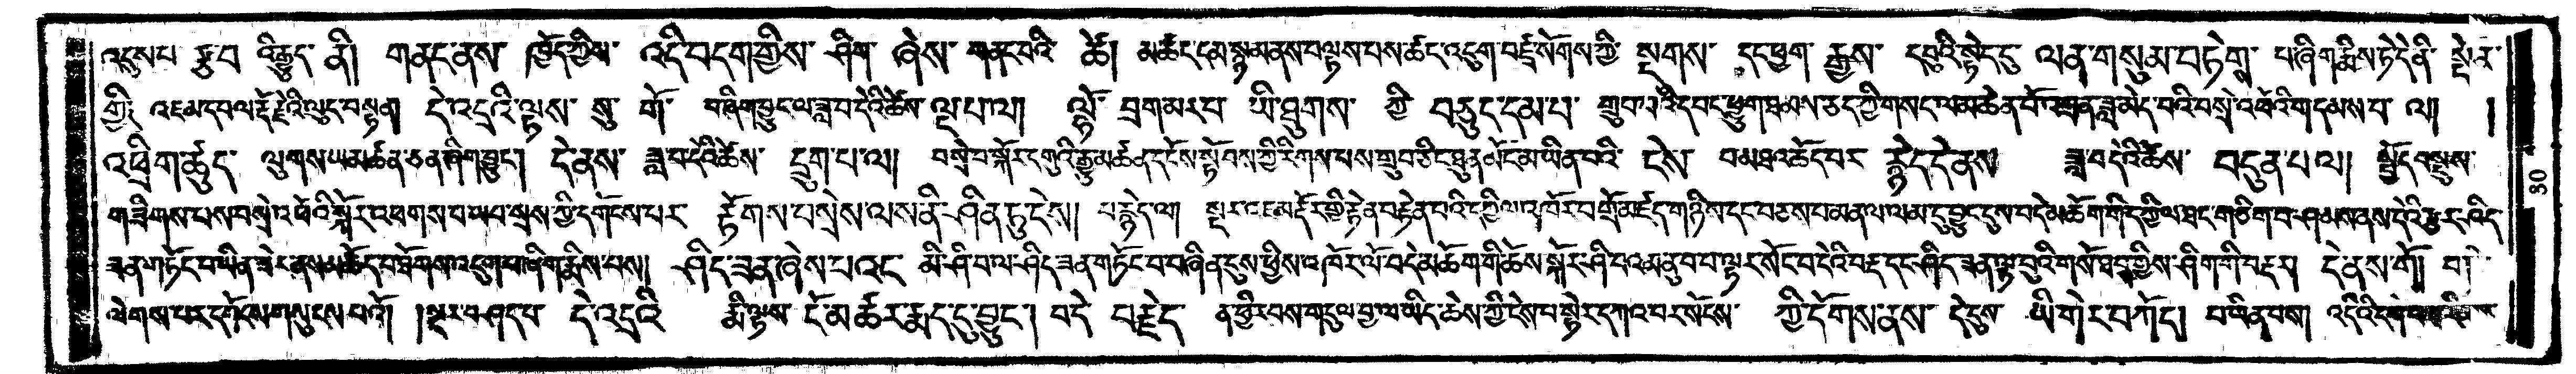འདུས་པ་རྩ་བའི་རྒྱུད་ནི། གནང་ནས་ཁྱོད་ཀྱིས་འདི་བདག་གྱིས་ཤིག་ཞེས་གནང་བའི་ཚེ། མཚད་དམ་སྙམ་ནས་བལྟས་པས་ཚད་འདུག་བྫྲ་སོགས་ཀྱི་སྔགས་དང་ཕྱག་རྒྱས་དབུའི་སྟེང་དུ་ལན་གསུམ་བཏེགས་པ་ཞིག་རྨིས་ཏེ་དེ་ནི་སྔེན་
གྱི། འཇམ་དཔལ་རྡོ་རྗེའི་ལུང་བསྟན། དེ་འདྲའི་ལྟས་སུ་གོ་བཞིག་བྱུང་ལ་ཟླ་བ་དེའི་ཚེས་ལྔ་པ་ལ། ལྷོ་བྲག་མར་པ་ཡི་ཐུགས་ཀྱི་བཅུད་དམ་པ་གྲུབ་པའི་དབང་ཕྱུག་ཐམས་ཅད་ཀྱི་གསང་ལམ་ཆེན་པོ་འགྲན་ཟླ་མེད་པའི་བསྲེ་འཕོའི་གདམས་པ་ལ། །
འཕྲིག་ཚུད་ལུགས་ཡ་མཚན་ཅན་ཞིག་བྱུང་། དེ་ནས་ཟླ་བདེའི་ཚེས་དྲུག་པ་ལ། བསྲེ་བསྐོར་དགུའི་རྒྱུ་མཚན་དངོས་སྟོབས་ཀྱི་རིགས་པས་གྲུབ་ཅིང་ཐུན་མོངས་མ་ཡིན་པའི་ངེས་བ་མཐའ་ཆོད་པར་རྙེད་དེ་ནས་ཟླ་བ་དེའི་ཚེས་བདུན་པ་ལ། སྤྱོད་བསྡུས་
གཟིགས་པས་བསྲེ་འཕོའི་སྐོར་འཕགས་བ་ཡབ་སྲས་ཀྱི་དགོངས་པར་རྟོགས་པ་སྲེལ་ལས་ནི་ཤིན་ཏུ་ངེས། བརྙེད་ལ། སྔར་འཇམ་རྡོར་གྱི་རྟེན་བརྟེན་པའི་དཀྱིལ་འཁོར་བགྲོ་མཛད་གཉིས་དང་བཅས་པ་མན་ལ་ལམ་དུ་བྱུང་དུས་བདེ་མཆོག་གི་དཀྱིལ་ཐང་གཅིག་བ་ཤམས་ནས་དེའི་རྩར་ཤིད་
ཟན་གཏོང་པ་ཡིན་ཟེར་ནས་མཆོད་པ་ཐོགས་འདུག་པ་ཞིག་རྨིས་པས། ཤིང་ཟན་ཞེས་པའང་མི་ཤི་བལ་ཤིད་ཟན་གཏོང་བ་བཞིན་དུས་ཕྱིས་འཁོར་ལོ་བདེ་མཆོག་གི་ཆོས་སྐོར་ཤི་བའམ་ནུབ་པ་ལྟར་སོང་བདེའི་བརྡ་དང་ཤིང་ཟན་ལྟ་བུའི་གསོ་ཐབས་ཀྱིས་ཤིག་གི་བརྡར། དེ་ནས་གོ། བརྟེ?
ལེགས་བར་དགོངས་གསུངས་པའོ། །སྔར་བཤད་པ་དེ་འདྲའི་རྨི་ལྟས་ངོ་མཚར་རྨད་དུ་བྱུང་། བདེ་བརྗེད་ན་ཕྱིས་བས་གདུལ་བྱ་ལ་ཡིད་ཆེས་ཀྱི་ངེས་བ་སྟེར་དཀའ་བར་སོངས་ཀྱི་དོགས་ནས་དེ་དུས་ཡི་གེར་བཀོད། བ་ཡིན་པས། འདིའི་དགེ་བས་འབྲི??